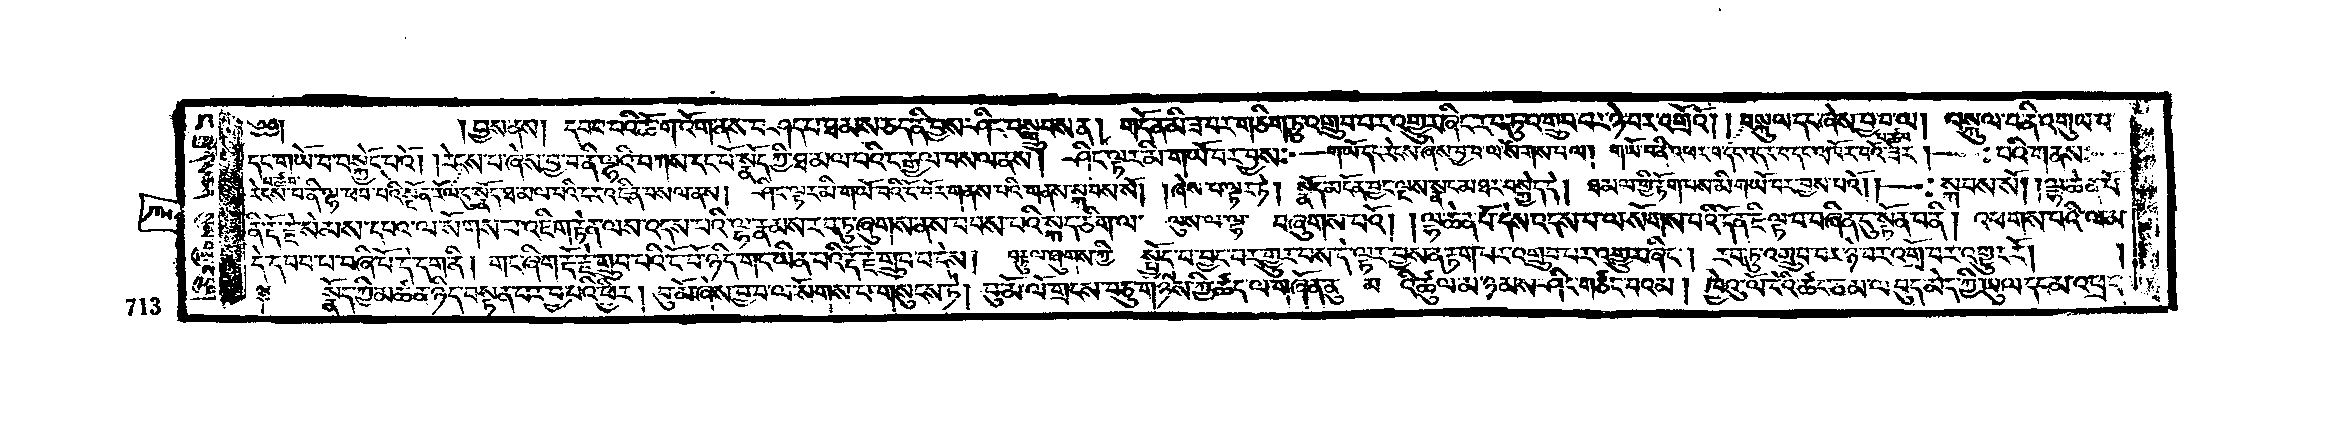༄༅། །བྱས་ནས། དབབ་པའི་ཆོ་ག་འོག་ནས་བཤད་པ་ཐམས་ཅད་ནི་བྱས་ཤིང་བསྒྲུབས་ན། གདོན་མི་ཟ་བར་གཅིག་ཏུ་འགྲུབ་པར་འགྱུར་ཞིང་རབ་ཏུ་འགྲུབ་པར་ཉེ་བར་འགྲོའོ། །བསྐུལ་དང་ཞེས་བྱ་བ་ལ། བསྐུལ་བ་ནི་འགུལ་བ་
དང་གཡོ་བ་བསྐྱོད་པའོ། །རེངས་པ་ཞེས་བྱ་བ་ནི་ལྷའི་བཀས་དང་པོ་སྣོད་ཀྱི་ཐ་མལ་པའི་ང་རྒྱལ་བསལ་ནས། ཤིང་ལྟར་མི་གཡོ་བར་བྱསཿ་གཡོ་དང་རེངས་ཞེས་བྱ་བ་ལ་སོགས་པ་ལ། གཡོ་བ་ནི་འཕར་བ་དང་འདར་བ་དང་འཁོར་བའོ་ཟེར།.H པའི་གནསཿ
པ་ཚབ་རེངས་པ་ནི་ལྷ་ཕབ་པའི་སྔོན་རོལ་དུ་སྣོད་ཐ་མལ་པའི་ངར་འཛིན་བསལ་ནས། ཤིང་ལྟར་མི་གཡོ་བའི་ངོ་བོར་གནས་པའི་གནས་སྐབས་སོ། །ཞེས་པ་ལྟར་ཏེ། སྣོད་མངོན་བྱང་ལྔས་སྣང་མཐར་བསྐྱེད་དེ། ཐ་མལ་གྱི་རྟོག་པས་མི་གཡོ་བར་བྱས་པའོ། །.Hསྐབས་སོ། །ལྷ་ཆེན་པོ་
ནི་རྡོ་རྗེ་སེམས་དཔའ་ལ་སོགས་པ་འཇིག་རྟེན་ལས་འདས་པའི་ལྷ་རྣམས་རབ་ཏུ་ཞུགས་ནས་བབས་པའི་སྐད་ཅིག་ལ་ལུས་ལ་ལྷ་བཞུགས་པའོ། །ལྷ་ཆེན་པོ་དེས་འདས་པ་ལ་སོགས་པའི་དོན་ཇི་ལྟ་བ་བཞིན་དུ་སྟོན་པ་ནི། འཕགས་པའི་ལམ་
དེ་དབབ་པ་བཞི་པོ་དེ་དག་ནི། གང་ཞིག་རྡོ་རྗེ་གྲུབ་པའི་ངོ་བོ་ཉིད་གང་ཡིན་པའི་རྡོ་རྗེ་གྲུབ་པ་དེས། བརྟུལ་ཞུགས་ཀྱི་སྤྱོད་པ་བྱང་བར་གྱུར་པས་དེ་ལྟར་བྱས་ན་རྟག་པར་འགྲུབ་པར་འགྱུར་ཞིང་། རབ་ཏུ་འགྲུབ་པར་ཉེ་བར་འགྲོ་བར་འགྱུར་རོ། །
༈ སྣོད་ཀྱི་མཚན་ཉིད་བསྟན་པར་བྱ་བའི་ཕྱིར། བུ་མོ་ཞེས་བྱ་བ་ལ་སོགས་པ་གསུངས་ཏེ། བུ་མོ་ལོ་གྲངས་བཅུ་གཉིས་ཀྱི་ཚད་ལ་གཞོན་ནུ་མའི་ཚུལ་མ་ཉམས་ཤིང་གཙང་བའམ། ཁྱེའུ་ལོ་དེའི་ཚད་ཙམ་ལ་བུད་མེད་ཀྱི་ཡུལ་དང་མ་འཕྲད་